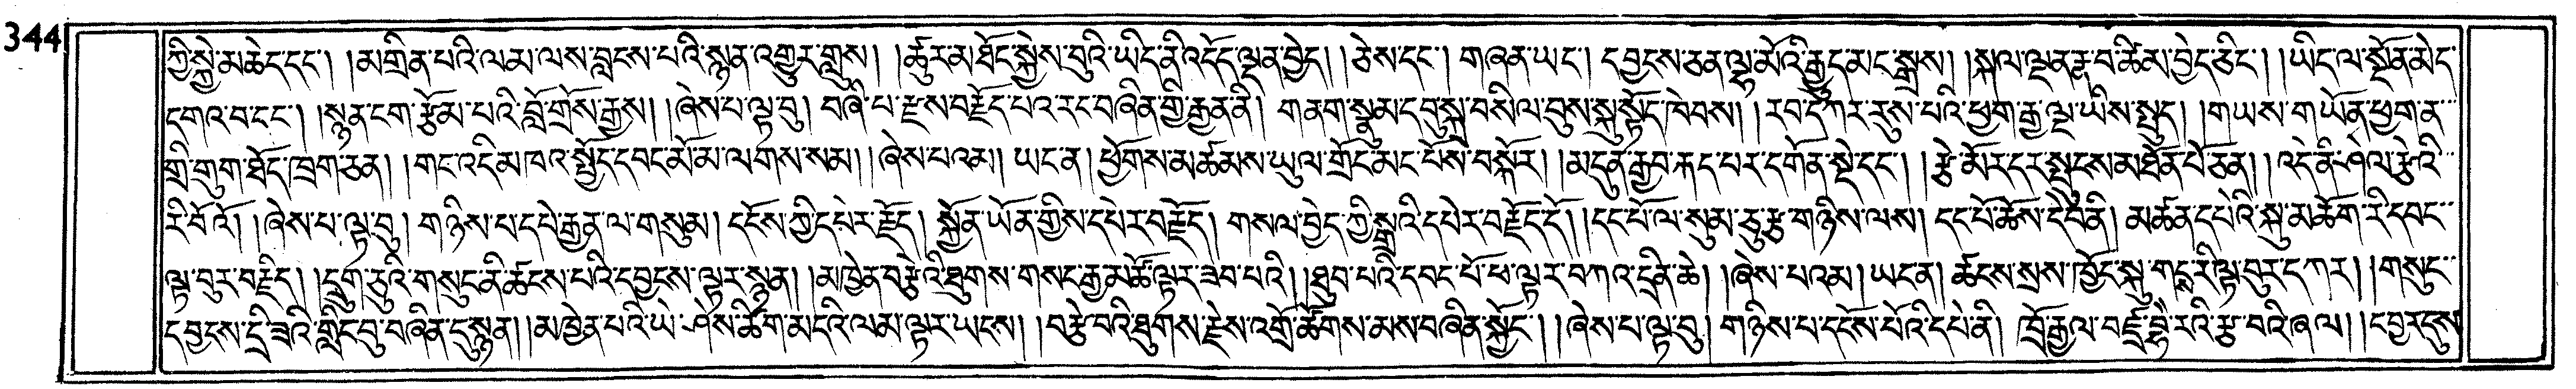ཀྱི་སྐྱེ་མཆེད་དང་། །མགྲིན་པའི་ལམ་ལས་བླངས་པའི་སྙན་འགྱུར་གླུས། །ཚུར་མཐོང་སྐྱེས་བུའི་ཡིད་ནི་འདོད་ལྡན་བྱེད། །ཅེས་དང་། གཞན་ཡང་། དབྱངས་ཅན་ལྷ་མོའི་རྒྱུད་མང་སྒྲས། །སྐལ་ལྡན་རྣ་བ་ཚིམ་བྱེད་ཅིང་། །ཡིད་ལ་སྔོན་མེད་
དགའ་བ་དང་། །སྙན་ངག་རྩོམ་པའི་བློ་གྲོས་རྒྱས། །ཞེས་པ་ལྟ་བུ། བཞི་པ་རྫས་བརྗོད་པའི་རང་བཞིན་གྱི་རྒྱན་ནི། །གནག་སྣུམ་དབུ་སྐྲ་བསིལ་བུས་སྐུ་སྟོད་ཁེབས། །རབ་དཀར་རུས་པའི་ཕྱག་རྒྱ་ལྔ་ཡིས་སྤུད། །གཡས་གཡོན་ཕྱག་ན་
གྲི་གུག་ཐོད་ཁྲག་ཅན། །གང་འདི་མཁའ་སྤྱོད་དབང་མོ་མ་ལགས་སམ། །ཞེས་པའམ། ཡང་ན། ཕྱོགས་མཚམས་ཡུལ་གྲོང་མང་པོས་བསྐོར། །མདུན་རྒྱབ་རྐད་པར་དགོན་སྡེ་དང་། །རྩེ་མོར་དར་སྤུངས་མཐོན་པོ་ཅན། །འདེ་ནི་ཤེལ་རྩེའི་
རི་བོའོ། །ཞེས་པ་ལྟ་བུ། གཉིས་པ་དཔེ་རྒྱན་ལ་གསུམ། དངོས་ཀྱི་དཔེར་རྗོད། སྐྱོན་ཡོན་གྱིས་དཔེར་བརྗོད། གསལ་བྱེད་ཀྱི་སྒྲའི་དཔེར་བརྗོད་དོ། །དང་པོ་ལ་སུམ་ཅུ་རྩ་གཉིས་ལས། དང་པོ་ཆོས་དེབ་ནི། མཚན་དཔེའི་སྐུ་མཆོག་རི་དབང་
ལྟ་བུར་བརྗིད། །དྲུག་ཅུའི་གསུང་ནི་ཚངས་པའི་དབྱངས་ལྟར་སྙན། །མཁྱེན་བརྩེའི་ཐུགས་གསང་རྒྱ་མཚོ་ལྟར་ཟབ་པའི། །ཐུབ་པའི་དབང་པོ་ཕ་ལྟར་བཀའ་དྲིན་ཆེ། །ཞེས་པའམ། ཡང་ན། ཚངས་སྲས་ཁྱོང་སྐུ་གངས་རི་ལྟ་བུར་དཀར། །གསུང་
དབྱངས་དྲི་ཟའི་གླིང་བུ་བཞིན་དུ་སྙན། །མཁྱེན་པའི་ཡེ་ཤེས་ཚིག་མངའི་ལམ་ལྟར་ཡངས། །བརྩེ་བའི་ཐུགས་རྗེས་འགྲོ་ཚོགས་མས་བཞིན་སྐྱོང་། །ཞེས་པ་ལྟ་བུ། གཉིས་པ་དངོས་པོའི་དཔེ་ནི། ཁྲོ་རྒྱལ་བཛྲ་བྷཻ་རའི་རྩ་བའི་ཞལ། །དབྱར་དུ་